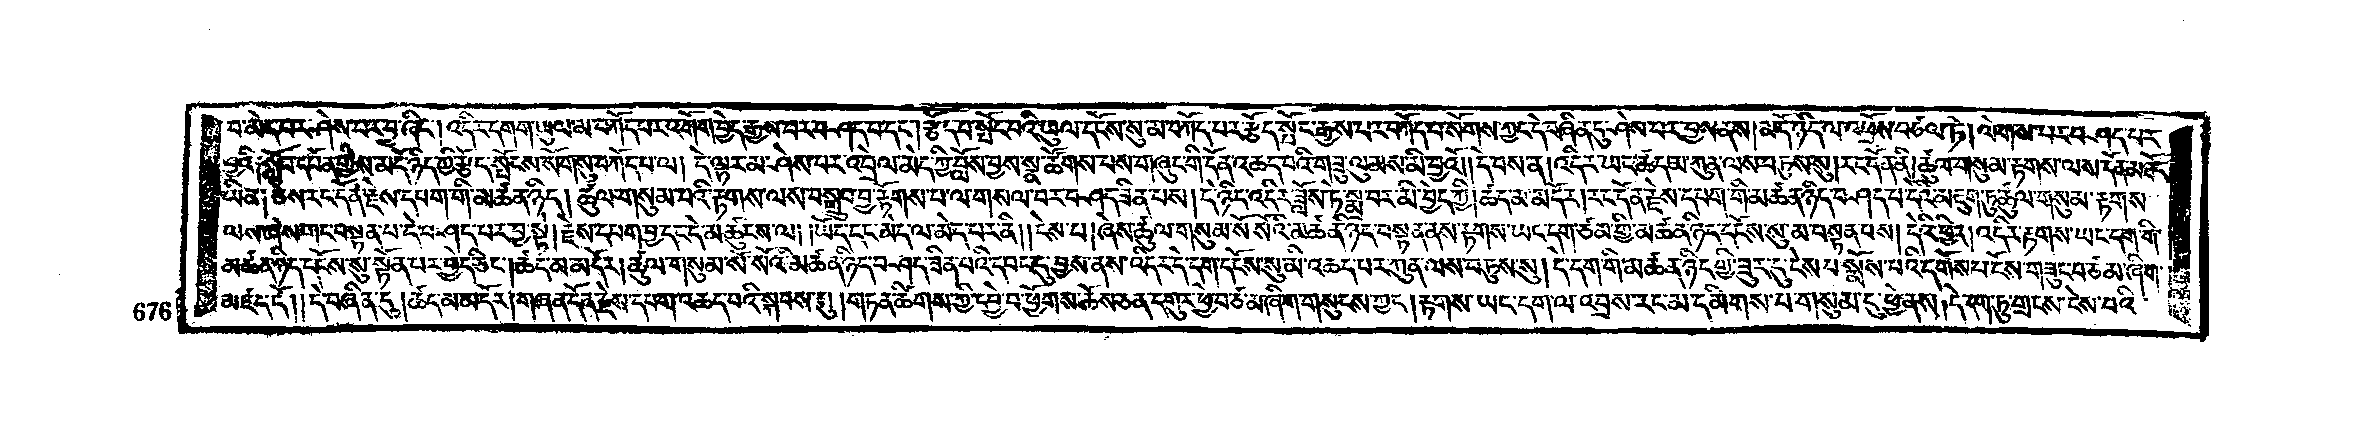བ་མེད་པར་ཤེས་པར་བྱ་ཞིང་། འདིར་དགག་ཡུལ་མ་བཀོད་པར་འགོག་བྱེད་རྒྱས་པར་བཤད་པ་དང་། རྩོད་པ་སྤོང་བའི་ཡུལ་དངོས་སུ་མ་བཀོད་པར་རྩོད་སྤོང་རྒྱས་པར་བཀོད་པ་སོགས་ཀྱང་དེ་བཞིན་དུ་ཤེས་པར་བྱས་ནས། མདོ་ཉིད་ལ་འཕྲོས་བཙལ་ཏེ། ལེགས་པར་བཤད་པར་
བྱའི། སློབ་དཔོན་གྱིས་མདོ་ཉིད་ཀྱི་རྩོད་སྤོངས་སོགས་སུ་བཀོད་པ་ལ། དེ་ལྟར་མ་ཤེས་པར་འབྲེལ་མེད་ཀྱི་བློས་བྱས་སྣ་ཚོགས་པས་གཞུང་གི་དོན་འཆད་པའི་གཟུ་ལུམས་མི་བྱའོ། །དེ་བས་ན། འདིར་ཡང་ཚད་མ་ཀུན་ལས་བཏུས་སུ། རང་དོན་ནི། ཚུལ་གསུམ་རྟགས་ལས་དོན་མཐོང་
ཡིན། ཅེས་རང་དོན་རྗེས་དཔག་གི་མཚན་ཉིད། ཚུལ་གསུམ་པའི་རྟགས་ལས་བསྒྲུབ་བྱ་རྟོགས་པ་ལ་གསལ་བར་བཤད་ཟིན་པས། དེ་ཉིད་འདིར་ཟློས་ཏེ་སྨྲ་བར་མི་བྱེད་ཀྱི། ཚད་མ་མདོར། རང་དོན་རྗེས་དཔག་གི་མཚན་ཉིད་བཤད་པ་དེའི་མཇུག་ཏུ་ཚུལ་གསུམ་རྟགས་
ལས་ཞེས་གང་བསྟན་པ་དེ་བཤད་པར་བྱ་སྟེ། རྗེས་དཔག་བྱ་དང་དེ་མཚུངས་ལ། །ཡོད་དང་མེད་ལ་མེད་པར་ནི། །ངེས་པ། ཞེས་ཚུལ་གསུམ་སོ་སོའི་མཚན་ཉིད་བསྟན་ནས་རྟགས་ཡང་དག་ཙམ་གྱི་མཚན་ཉིད་དངོས་སུ་མ་བསྟན་པས། དེའི་ཕྱིར། འདིར་རྟགས་ཡང་དག་གི་
མཚན་ཉིད་དངོས་སུ་སྟོན་པར་བྱེད་ཅིང་། ཚད་མ་མདོར། ཚུལ་གསུམ་སོ་སོའི་མཚན་ཉིད་བཤད་ཟིན་པའི་དབང་དུ་བྱས་ནས་འདིར་དེ་དག་དངོས་སུ་མི་འཆད་པར་ཀུན་ལས་བཏུས་སུ། དེ་དག་གི་མཚན་ཉིད་གྱི་ཟུར་དུ་ངེས་པ་སྨོས་པའི་དགོས་པ་ངོས་གཟུང་བ་ཙམ་ཞིག་
མཛད་དོ། །དེ་བཞིན་དུ། ཚད་མ་མདོར། གཞན་དོན་རྗེས་དཔག་འཆད་པའི་སྐབས་སུ། གཏན་ཚིགས་ཀྱི་དབྱེ་བ་ཕྱོགས་ཆོས་ཅན་དགུར་ཕྱེ་བ་ཙམ་ཞིག་གསུངས་ཀྱང་། རྟགས་ཡང་དག་ལ་འབྲས་རང་མ་དམིགས་གྤ་གསུམ་དུ་ཕྱེ་ནས། དེ་དག་ཏུ་གྲངས་ངེས་པའི་